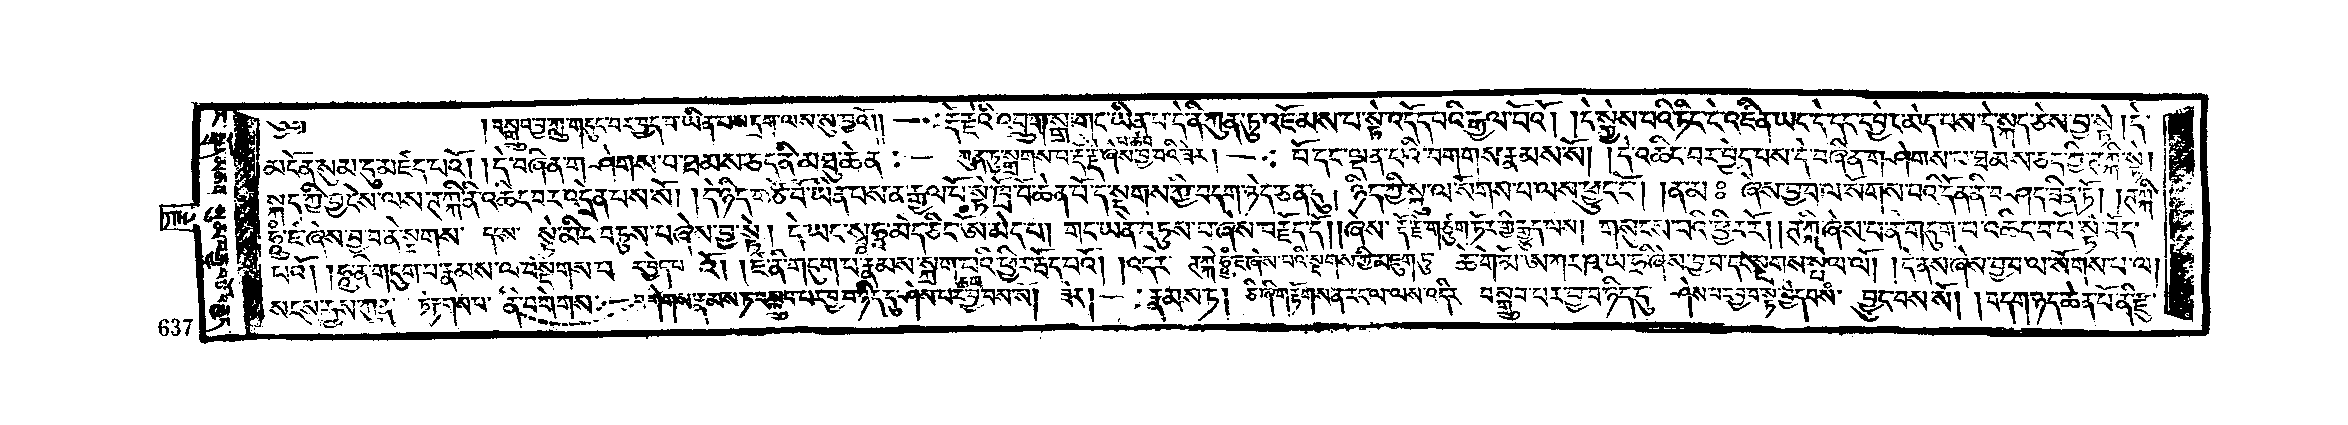༄༅། །བསྒྲུབ་བྱ་ཀླུ་གདུང་བར་བྱད་པ་ཡིན་པས་དྲག་ལས་སུ་བྱའོ།། .H རྡོ་རྗེའི་འབྲུག་སྒྲ་གང་ཡིན་པ་དེ་ནི་ཀུན་ཏུ་འཇོམས་པ་སྟེ་འདོད་པའི་རྒྱལ་པོའོ། །དེ་སྐྱེས་པའི་ཏིང་ངེ་འཛིན་ཡང་དེ་དང་དབྱེར་མེད་པས་དེ་སྐད་ཅེས་བྱ་སྟེ། དེ་
མངོན་སུམ་དུ་མཛད་པའོ། །དེ་བཞིན་གཤེགས་པ་ཐམས་ཅད་ནི་མཐུ་ཆེནཿ་ཀུན་ཏུ་སྒྲགས་པ་རྡོ་རྗེ་ཞེས་པ་ཚབ་བྱ་བའི་ཟེར། .H པོ་དང་ལྡན་པའི་བགགས་རྣམས་སོ། །དེ་འཆིང་བར་བྱེད་པས་དེ་བཞིན་གཤེགས་པ་ཐམས་ཅད་ཀྱི་ཊཀྐི་སྟེ།
སྐད་ཀྱི་བྱ་ངེས་ལས་ཊཀྐི་ནི་འཆིང་བར་འདྲེན་པས་སོ། །དེ་ཉིད་གཙོ་བོ་ཡིན་པས་ན་རྒྱལ་པོ་སྟེ་ཁྲོ་བོ་ཆེན་པོ་དེ་སྔགས་ཀྱི་བདག་ཉིད་ཅན་དུ། ཉིད་ཀྱི་སྐུ་ལ་སོགས་པ་ལས་ཕྱུང་ངོ། །ན་མཿ ཞེས་བྱ་བ་ལ་སོགས་པའི་དོན་ནི་བཤད་ཟིན་ཏོ། །ཊཀྐི་
ཧཱུཾ་ཛ་ཞེས་བྱ་བ་ནི་སྔགས་དངས་སྟེ་མིང་བཏུས་པ་ཞེས་བྱ་སྟེ། དེ་ཡང་སྭཱ་ཧཱ་མེད་ཅིང་ཨོཾ་མེད་པ། གང་ཡིན་བཏུས་པ་ཞེས་བརྗོད་དོ། །ཞེས་རྡོ་རྗེ་གཙུག་ཏོར་གྱི་རྒྱུད་ལས། གསུངས་པའི་ཕྱིར་རོ། །ཊ་ཀྐི་ཞས་པ་ནི་གདུག་པ་འཆིང་བ་པོ་སྟེ་བོད་
པའོ། །ཧཱུཾ་ནི་གདུག་པ་རྣམས་ལ་བསྡིགས་པར་བྱེད་པའོ། །ཛ་ནི་གདུག་པ་རྣམས་སྐག་པའི་ཕྱིར་རྦོད་པའོ། །འདིར་ཊ་ཀྐི་ཧཱུཾ་ཏེ་ཞེས་པའི་སྔགས་ཀྱི་མཇུག་ཏུ་ཆེ་གེ་མོ་ཨ་ཀར་ཥ་ཡ་ཧྲི་ཞེས་བྱ་བ་དང་སྔགས་སྦེལ་ལོ། །དེ་ནས་ཞེས་བྱ་བ་ལ་སོགས་པ་ལ།
སངས་རྒྱས་ཀུན་ཏེ་རྟགས་པ་ནི་བགེགསཿ་བགེགས་རྣམས་ཏེ་བསྒྲུབ་པར་བྱ་བ་ཉིད་དུ་ཤེས་པར་ཆག་བྱ་བས་སོ། ཟེར། .H རྣམས་ཏེ། ཅི་ཞིག་རྟོགས་ན་རང་ལ་ལས་འདི་བསྒྲུབ་པར་བྱ་བ་ཉིད་དུ་ཤེས་པར་བྱ་བ་སྟེ་བྱེད་པས་སཾ་བྱུང་བས་སོ། །བདག་ཉད་ཆེན་པོ་ནི་རྫུ་